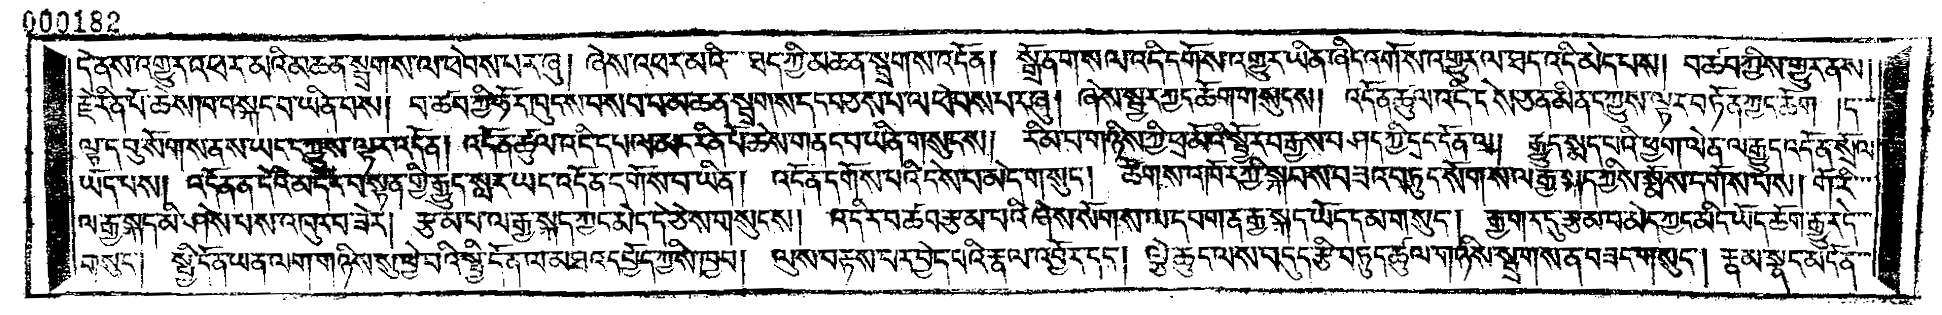དེ་ནས་འགྱུར་འཕར་མའི་མཆན་སྦྲགས་ལ་ཕེབས་པར་ཞུ། ཞེས་འཕར་མའི་ཐད་ཀྱི་མཆན་སྦྲགས་འདོན། སྒྲོན་གསལ་འདི་དགོས་འགྱུར་ཡིན་ཞིང་འགོས་འགྱུར་ལ་ཐད་འདི་མེད་པས། བ་ཚབ་ཀྱིས་གྱུར་ནས།
རྗེ་རིན་པོ་ཆེས་ཁ་བསྐང་བ་ཡིན་པས། བ་ཚབ་ཀྱི་ཧོར་ཁུངས་བསབ་པ་མཆན་སྦྲགས་དང་བཅས་པ་ལ་ཕེབས་པར་ཞུ། ཞེས་སྦྱར་ཀྱང་ཆོག་གསུངས། འདོན་ཚུལ་འདི་ངེས་ཅན་མིན་དཀྱུས་ལྟར་བཏོན་ཀྱང་ཆོག །ད་
ལྟ་དབུ་སོགས་ནས་ཡང་དཀྱུས་ལྟར་འདོན། འདོན་ཚུལ་འདི་དཔལ་མང་རིན་པོ་ཆེས་གནང་བ་ཡིན་གསུངས། རིམ་པ་གཉིས་ཀྱི་ཕྲ་མོའི་སྦྱོར་བ་རྒྱས་བཤད་ཀྱི་དྲང་དོན་ལ། རྒྱུད་སྨད་པའི་ཕྱག་ལེན་ལ་རྒྱུད་འདོན་སྲོལ་
ཡོད་པས། འདོན་ན་དེའི་མདོར་བསྟན་གྱི་རྒྱུད་སླར་ཡང་འདོན་དགོས་པ་ཡིན། འདོན་དགོས་པའི་ངེས་པ་མེད་གསུང་། ཚོགས་འཁོར་ཀྱི་སྐབས་བཟའ་བཏུང་སོགས་ལ་རྒྱ་སྐད་ཀྱིས་སྨོས་དགོས་པས། གོ་རི་
ལ་རྒྱ་སྐད་མི་ཤེས་པས་འཁུར་བ་ཟེར། རྩམ་པ་ལ་རྒྱ་སྐད་ཀྱང་མེད་དེ་ཅེས་གསུངས། འདིར་བ་ཚབ་རྩམ་པའི་ཞེས་སོགས་ལ་དཔག་ན་རྒྱ་སྐད་ཡོད་དམ་གསུང་། རྒྱ་གར་དུ་རྩམ་པ་མེད་ཀྱང་མིང་ཡོད་ཆོག་རྒྱུ་རེད་
གསུང་། སྤྱི་དོན་ཡན་ལག་གཉིས་སུ་ཕྱེ་བའི་སྤྱི་དོན་ལ་མཐའ་དཔྱོད་ཀྱིས་ཁྱབ། ལུས་བརྟས་པར་བྱེད་པའི་རྣལ་འབྱོར་དང་། ལྕེ་ཆུང་ལས་བདུད་རྩི་བཏུད་ཚུལ་གཉིས་སྦྲགས་ན་བཟང་གསུང་། རྣམ་སྣང་མངོན་